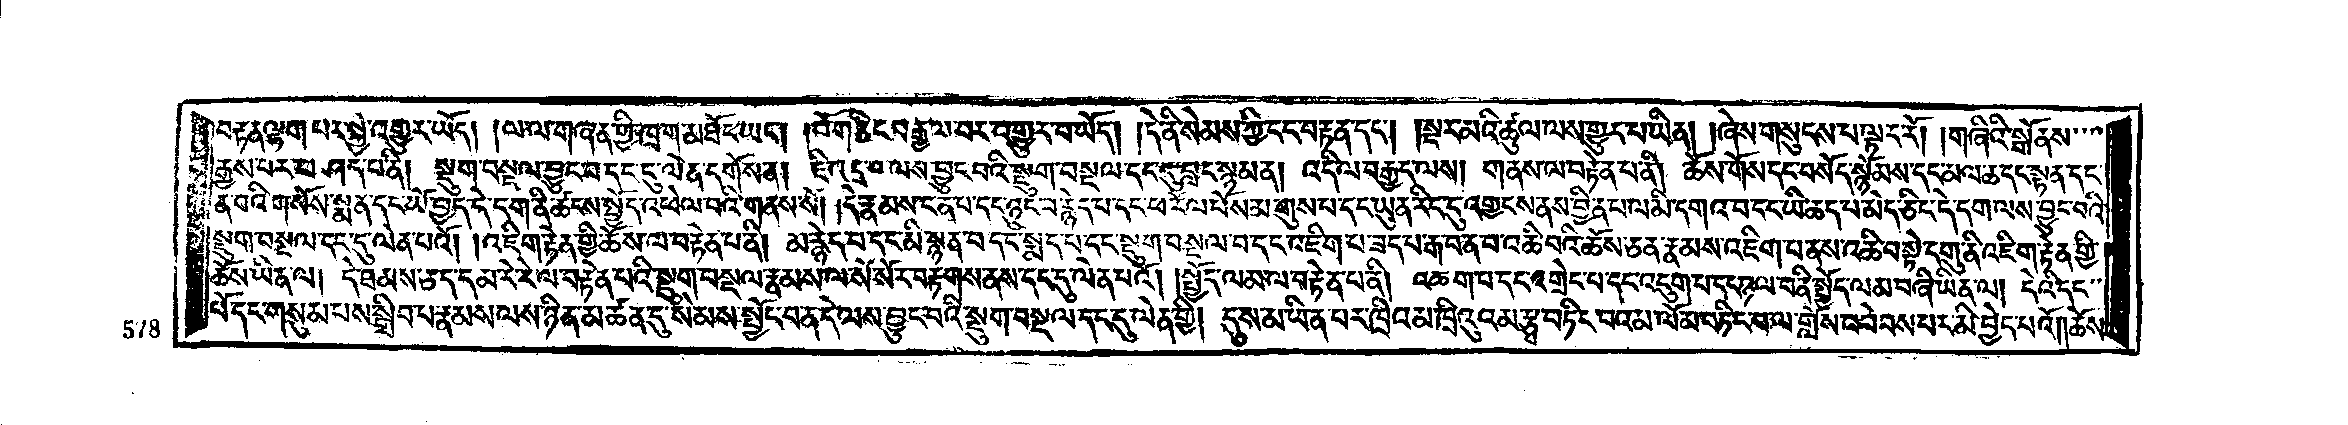བརྟན་ལྷག་པར་སྐྱེ་འགྱུར་ཡོད། །ལ་ལ་གཞན་གྱི་ཁྲག་མཐོང་ཡང་། །བོག་ཅིང་བརྒྱལ་བར་འགྱུར་བ་ཡོད། །དེ་ནི་སེམས་ཀྱི་དང་བརྟན་དང་། །སྡར་མའི་ཚུལ་ལས་གྱུར་པ་ཡིན། །ཞེས་གསུངས་པ་ལྟར་རོ། །གཞིའི་སྒོ་ནས་
རྒྱས་པར་བཤད་པ་ནི། སྡུག་བསྔལ་བྱུང་བ་དང་དུ་ལེན་དགོས་ན། ཇི་འདྲ་བ་ལས་བྱུང་བའི་སྡུག་བསྔལ་དང་དུ་བླང་སྙམ་ན། འདི་ལ་བརྒྱད་ལས། གནས་ལ་བརྟེན་པ་ནི། ཆོས་གོས་དང་བསོད་སྙོམས་དང་མལ་ཆ་དང་སྟན་དང་
ན་བའི་གསོས་སྨན་དང་ཡོ་བྱད་དེ་དག་ནི་ཚངས་སྤྱོད་འཕེལ་བའི་གནས་སོ། །དེ་རྣམས་ངན་པ་དང་ཉུང་བ་རྙེད་པ་དང་ཕ་རོལ་པོས་མ་གུས་པ་དང་ཡུན་རིང་དུ་བགྱངས་ནས་བྱིན་པ་ལ་མི་དགའ་བ་དང་ཡི་ཆད་པ་མེད་ཅིང་དེ་དག་ལས་བྱུང་བའི་
སྡུག་བསྔལ་དང་དུ་ལེན་པའོ། །འཇིག་རྟེན་གྱི་ཆོས་ལ་བརྟེན་པ་ནི། མ་རྙེད་པ་དང་མི་སྙན་པ་དང་སྨད་པ་དང་སྡུག་བསྔལ་བ་དང་འཇིག་པ་ཟད་པ་རྒ་བ་ན་བ་འཆི་བའི་ཆོས་ཅན་རྣམས་འཇིག་པ་ནས་འཆི་བ་སྟེ་དགུ་ནི་འཇིག་རྟེན་གྱི་
ཆོས་ཡིན་ལ། དེ་ཐམས་ཅད་དམ་རེ་རེ་ལ་བརྟེན་པའི་སྡུག་བསྔལ་རྣམས་ལ་སོ་སོར་བརྟགས་ནས་དང་དུ་ལེན་པའོ། །སྤྱོད་ལམ་ལ་བརྟེན་པ་ནི། འཆག་པ་དང་འགྲེང་བ་དང་འདུག་པ་དང་ཉལ་བ་ནི་སྤྱོད་ལམ་བཞི་ཡིན་ལ། དེའི་དང་
པོ་དང་གསུམ་པས་སྒྲིབ་པ་རྣམས་ལས་ཉིན་མཚན་དུ་སེམས་སྦྱོང་བ་ན་དེ་ལས་བྱུང་བའི་སྡུག་བསྔལ་དང་དུ་ལེན་གྱི། དུས་མ་ཡིན་པར་ཁྲིའམ་ཁྲིའུའམ་རྩྭ་བཏིང་བའམ་ལོ་མ་བཏིང་བ་ལ་གློས་འབེབས་པར་མི་བྱེད་པའོ། །ཆོས་